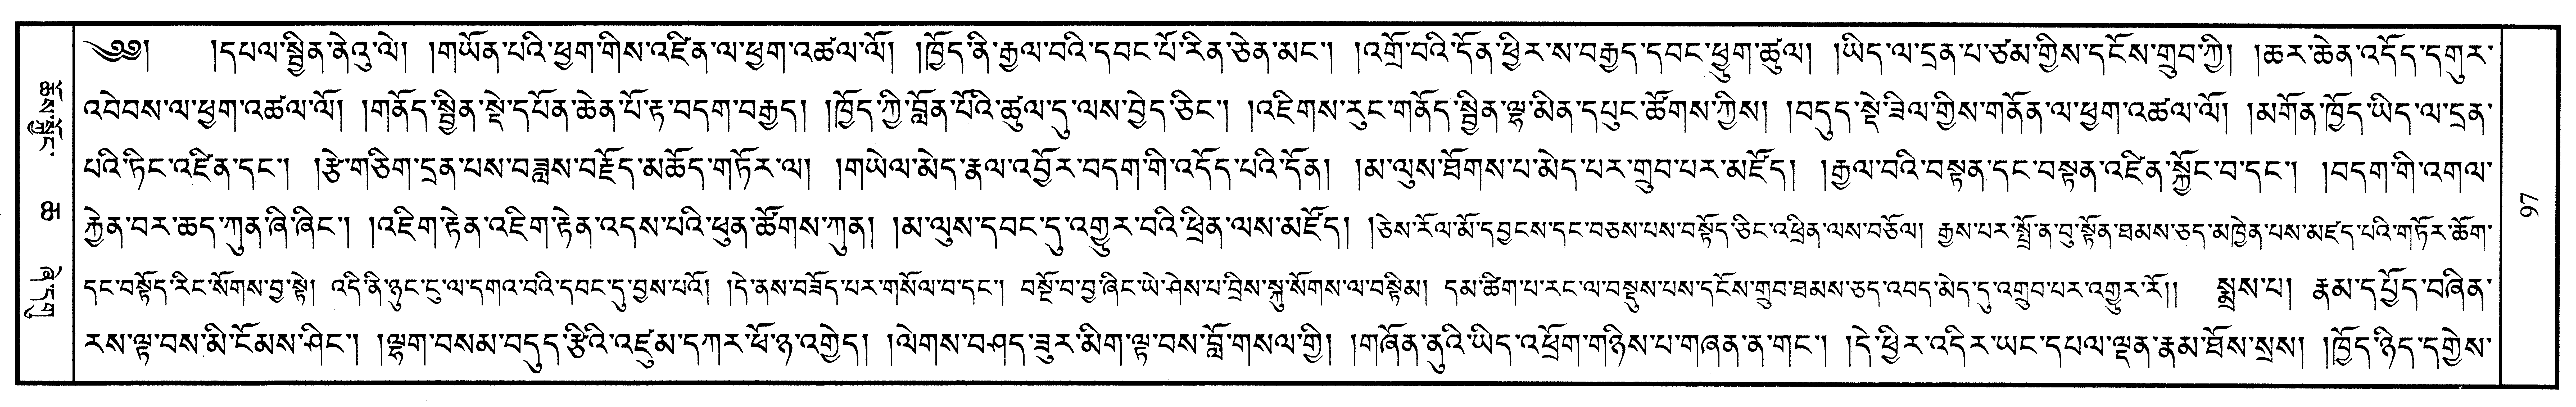༄༅། །དཔལ་སྦྱིན་ནེའུ་ལེ། །གཡོན་པའི་ཕྱག་གིས་འཛིན་ལ་ཕྱག་འཚལ་ལོ། །ཁྱོད་ནི་རྒྱལ་བའི་དབང་པོ་རིན་ཅེན་མང་། །འགྲོ་བའི་དོན་ཕྱིར་ས་བརྒྱད་དབང་ཕྱུག་ཚུལ། །ཡིད་ལ་དྲན་པ་ཙམ་གྱིས་དངོས་གྲུབ་ཀྱི། །ཆར་ཆེན་འདོད་དགུར་
འབེབས་ལ་ཕྱག་འཚལ་ལོ། །གནོད་སྦྱིན་སྡེ་དཔོན་ཆེན་པོ་རྟ་བདག་བརྒྱད། །ཁྱོད་ཀྱི་བློན་པོའི་ཚུལ་དུ་ལས་བྱེད་ཅིང་། །འཇིགས་རུང་གནོད་སྦྱིན་ལྷ་མིན་དཔུང་ཚོགས་ཀྱིས། །བདུད་སྡེ་ཟིལ་གྱིས་གནོན་ལ་ཕྱག་འཚལ་ལོ། །མགོན་ཁྱོད་ཡིད་ལ་དྲན་
པའི་ཏིང་འཛིན་དང་། །རྩེ་གཅིག་དྲན་པས་བཟླས་བརྗོད་མཆོད་གཏོར་ལ། །གཡེལ་མེད་རྣལ་འབྱོར་བདག་གི་འདོད་པའི་དོན། །མ་ལུས་ཐོགས་པ་མེད་པར་གྲུབ་པར་མཛོད། །རྒྱལ་བའི་བསྟན་དང་བསྟན་འཛིན་སྐྱོང་བ་དང་། །བདག་གི་འགལ་
རྐྱེན་བར་ཆད་ཀུན་ཞི་ཞིང་། །འཇིག་རྟེན་འཇིག་རྟེན་འདས་པའི་ཕུན་ཚོགས་ཀུན། །མ་ལུས་དབང་དུ་འགྱུར་བའི་ཕྲིན་ལས་མཛོད། །ཅེས་རོལ་མོ་དབྱངས་དང་བཅས་པས་བསྟོད་ཅིང་འཕྲིན་ལས་བཅོལ། རྒྱས་པར་སྤྲོ་ན་བུ་སྟོན་ཐམས་ཅད་མཁྱེན་པས་མཛད་པའི་གཏོར་ཆོག་
དང་བསྟོད་རིང་སོགས་བྱ་སྟེ། འདི་ནི་ཉུང་ངུ་ལ་དགའ་བའི་དབང་དུ་བྱས་པའོ། །དེ་ནས་བཟོད་པར་གསོལ་བ་དང་། བསྔོ་བ་བྱ་ཞིང་ཡེ་ཤེས་པ་བྲིས་སྐུ་སོགས་ལ་བསྟིམ། དམ་ཚིག་པ་རང་ལ་བསྡུས་པས་དངོས་གྲུབ་ཐམས་ཅད་འབད་མེད་དུ་འགྲུབ་པར་འགྱུར་རོ།། སྨྲས་པ། རྣམ་དཔྱོད་བཞིན་
རས་ལྟ་བས་མི་ངོམས་ཤིང་། །ལྷག་བསམ་བདུད་རྩིའི་འཛུམ་དཀར་ཕོ་ཉ་འགྱེད། །ལེགས་བཤད་ཟུར་མིག་ལྟ་བས་བློ་གསལ་གྱི། །གཞོན་ནུའི་ཡིད་འཕྲོག་གཉིས་པ་གཞན་ན་གང་། །དེ་ཕྱིར་འདིར་ཡང་དཔལ་ལྡན་རྣམ་ཐོས་སྲས། །ཁྱོད་ཉིད་དགྱེས་